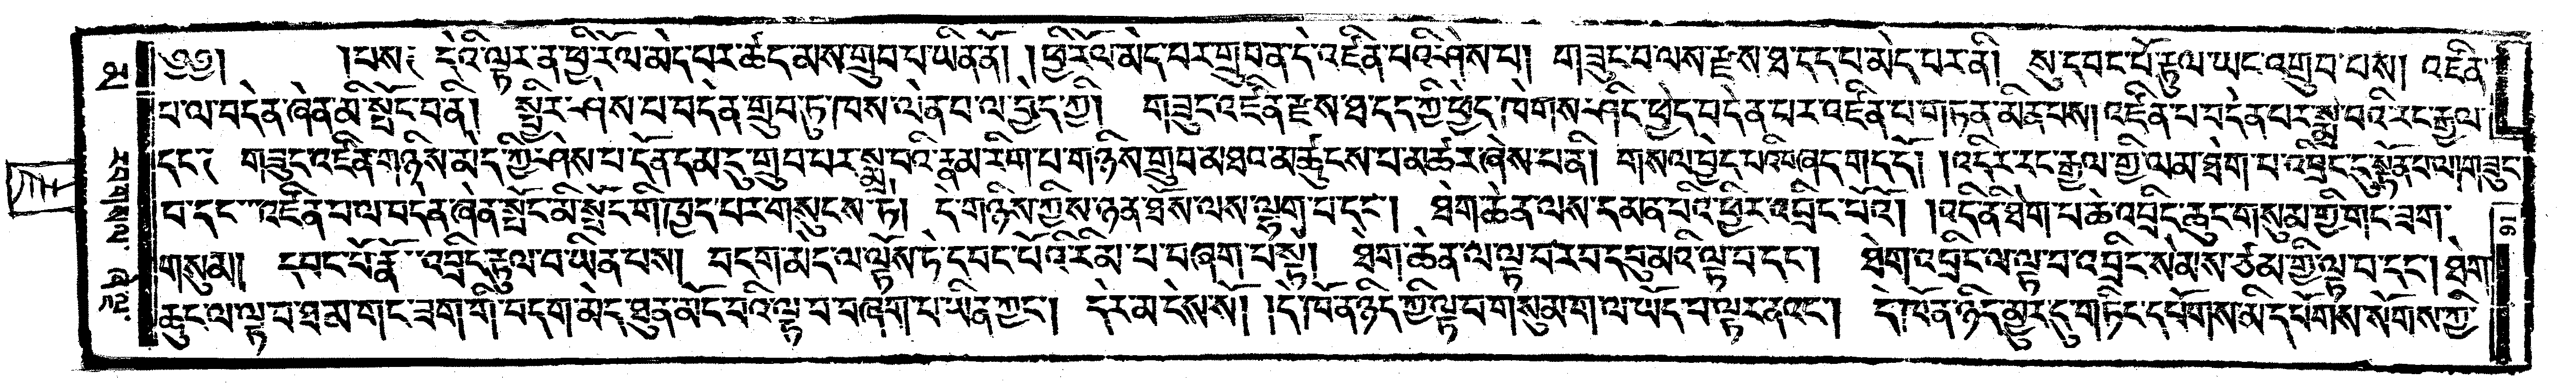༄༅། །པས༑ དེའི་ལྟར་ན་ཕྱི་རོལ་མེད་པར་ཚད་མས་གྲུབ་པ་ཡིན་ནོ། །ཕྱི་རོལ་མེད་པར་གྲུབ་ན་དེ་འཛིན་པའི་ཤེས་པ། གཟུང་བ་ལས་རྫས་ཐ་དད་པ་མེད་པར་ནི། སུ་དབང་པོ་རྟུལ་ཡང་འགྲུབ་པས། འཛིན་
པ་ལ་བདེན་ཞེན་མི་སྤོང་བ་ནི། སྤྱིར་ཤེས་པ་བདེན་གྲུབ་ཏུ་ཁས་ལེན་པ་ལ་བྱེད་ཀྱི། གཟུང་འཛིན་རྫས་ཐ་དད་ཀྱི་ཕྱེད་ཁེགས་ཤིང་ཕྱེད་བདེན་པར་འཛིན་པ་གཏན་མིན་པས། འཛིན་པ་བདེན་པར་སྨྲ་བའི་རང་རྒྱལ་
དང༑ གཟུང་འཛིན་གཉིས་མེད་ཀྱི་ཤེས་པ་དོན་དམ་དུ་གྲུབ་པར་སྨྲ་བའི་རྣམ་རིག་པ་གཉིས་གྲུབ་མཐའ་མཚུངས་པ་མཚར་ཞེས་པ་ནི། གསལ་བྱེད་པའི་བཞད་གད་དོ། །འདིར་རང་རྒྱལ་གྱི་ལམ་ཐེག་པ་འབྲིང་དུ་སྟོན་པ་ལ། གཟུང་
བ་དང་འཛིན་པ་ལ་བདེན་ཞེན་སྤོང་མི་སྤོང་གི་ཁྱད་པར་གསུངས་ཏེ། དེ་གཉིས་ཀྱིས་ཉན་ཐོས་ལས་ལྷག་པ་དང་། ཐེག་ཆེན་ལས་དམན་པའི་ཕྱིར་འབྲིང་པོའོ། །འདི་ནི་ཐེག་པ་ཆེ་འབྲིང་ཆུང་གསུམ་གྱི་གང་ཟག་
གསུམ། དབང་པོ་རྣོ་འབྲིང་རྟུལ་བ་ཡིན་པས། བདག་མེད་ལ་ལྟོས་ཏེ་དབང་པོའི་རིམ་པ་བཞག་པ་སྟེ། ཐེག་ཆེན་ལ་ལྟ་བ་རབ་དབུ་མའི་ལྟ་བ་དང་། ཐེག་འབྲིང་ལ་ལྟ་བ་འབྲིང་སེམས་ཙམ་གྱི་ལྟ་བ་དང་། ཐེག་
ཆུང་ལ་ལྟ་བ་ཐ་མ་གང་ཟག་གི་བདག་མེད་ཐུན་མོང་བའི་ལྟ་བ་བཞག་པ་ཡིན་ཀྱང་། དེར་མ་ངེས་སོ། །དེ་ཁོ་ན་ཉིད་ཀྱི་ལྟ་བ་གསུམ་ག་ལ་ཡོད་པ་ལྟར་ནའང་། དེ་ཁོ་ན་ཉིད་མྱུར་དུ་གཏིང་དཔོགས་མི་དཔོགས་སོགས་ཀྱི་